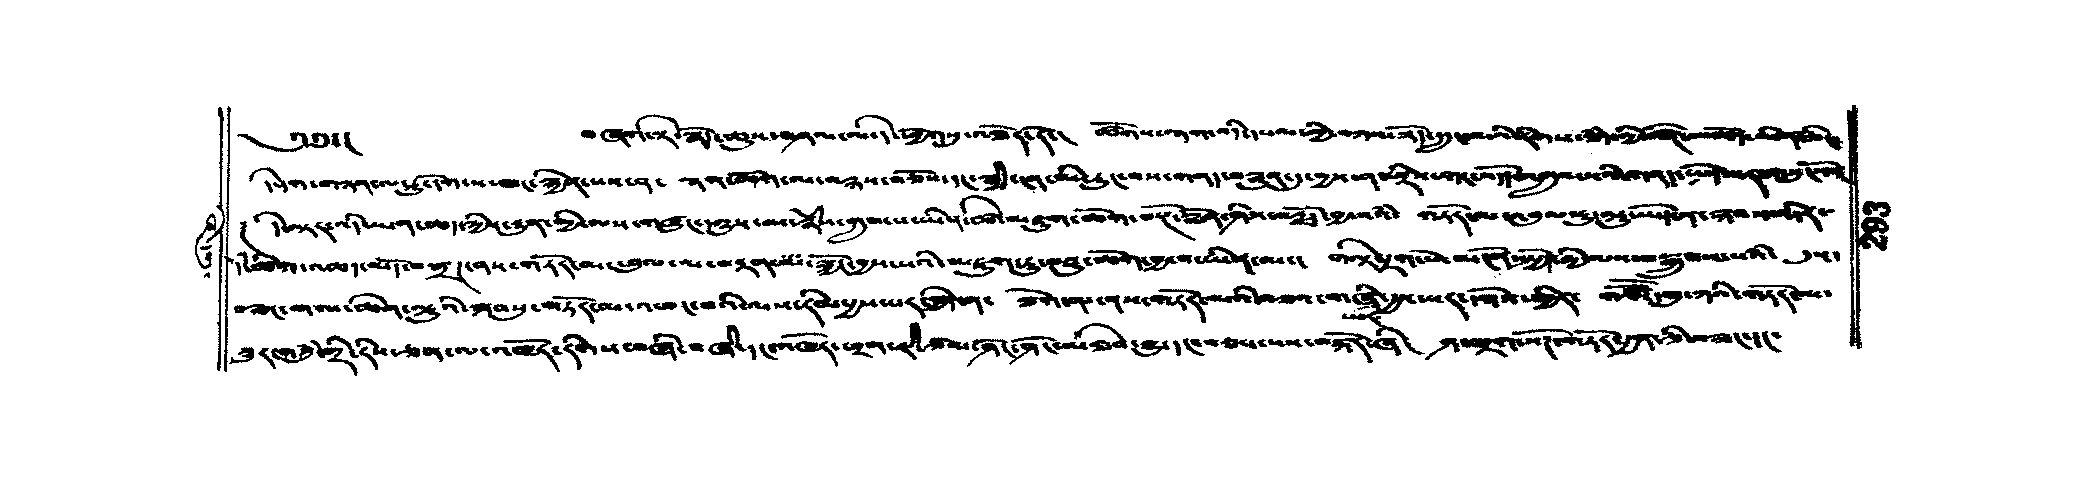བཞག་སྟེ་སྣོད་ཆུས་བཤལ་ལ་དེ་ཕྱོགས་སུ་འཐོར་རོ། ཚོགས་ལྷག་འདི་དཔལ་གྱི་བཀའ་སྡོད་སྲུང་མའི་རིགས་ཐམས་ཅད་ཀྱི་ཚོགས་མཆོད་ཡིན་ཚེ། 
དེ་དག་གཉན་ལ་རུ་དོག་པ་ཁང་རྐྱེན་པས་ན། ལྷག་ཆོག་ལ་བརྙས་བཅོས་དང་སྒྱིད་ངན་མི་རུང་བས་གནད་བསྣུན་དུ་བྱས་ན་ཕྲིན་ལས་འགྲུབ་པའི་གནད་ཡོད་པར་གསུངས་སོ། 
༈ དེ་ལྟར་འདི་ཡན་ཆད་ཀྱིས་རྒྱུན་གྱིས་ལས་གཞུང་དཀྱུས་མ་རྣམས་གྲུབ་པ་ཡིན་ཚེ་མཇུག་ཆོག་བསྔོ་སྨོན་ཤིས་བརྗོད་བྱ་བའམ། གཏོར་མ་འབུལ་རྒྱུ་ལྟ་བུ་ཡོད་ན་སྐབས་འདིར་
དམ་ཚིག་ཆད་མདོ་བསྒྲགས་ནས་གཏོར་མ་ཕུལ་ལ་བརྟན་མ་སྐྱོང་བྱས་པའི་མཇུག་ཏུ་བསྡུ་ཆོག་བྱ་བ་ཡིན་ལ། གལ་ཏེ་དྲག་པོ་མངོན་སྤྱོད་ཀྱི་ལས་བསྒྲུབས་པའི་དུས་
བཟང་ཆེན་གལ་ཆེན་ལྟ་བུའི་སྐབས་སུ་གཏོར་མ་འཕང་བའི་ལས་རིམ་རྒྱས་པར་བྱེད་ན། ཐོག་མ་གཏོར་མའི་བཅའ་གཞི་རྒྱས་པར་དགོས་ཕྱིར། གཙོ་བོར་དགུ་ཀའི་གཏོར་མ་
ཟུར་གསུམ་གྲི་རིས་ཅན་ལ་འཁོར་རིགས་བཞི་བཞི་དང་ཕྲག་ཇི་ཙམ་ཤོང་ཤོང་མཐེབ་ཀྱུ་དང་བཅས་པས་བསྐོར་ཞིང་། ཤ་ཁྲག་སོགས་གཏོར་རྒྱན་ཅི་བཟང་དང་